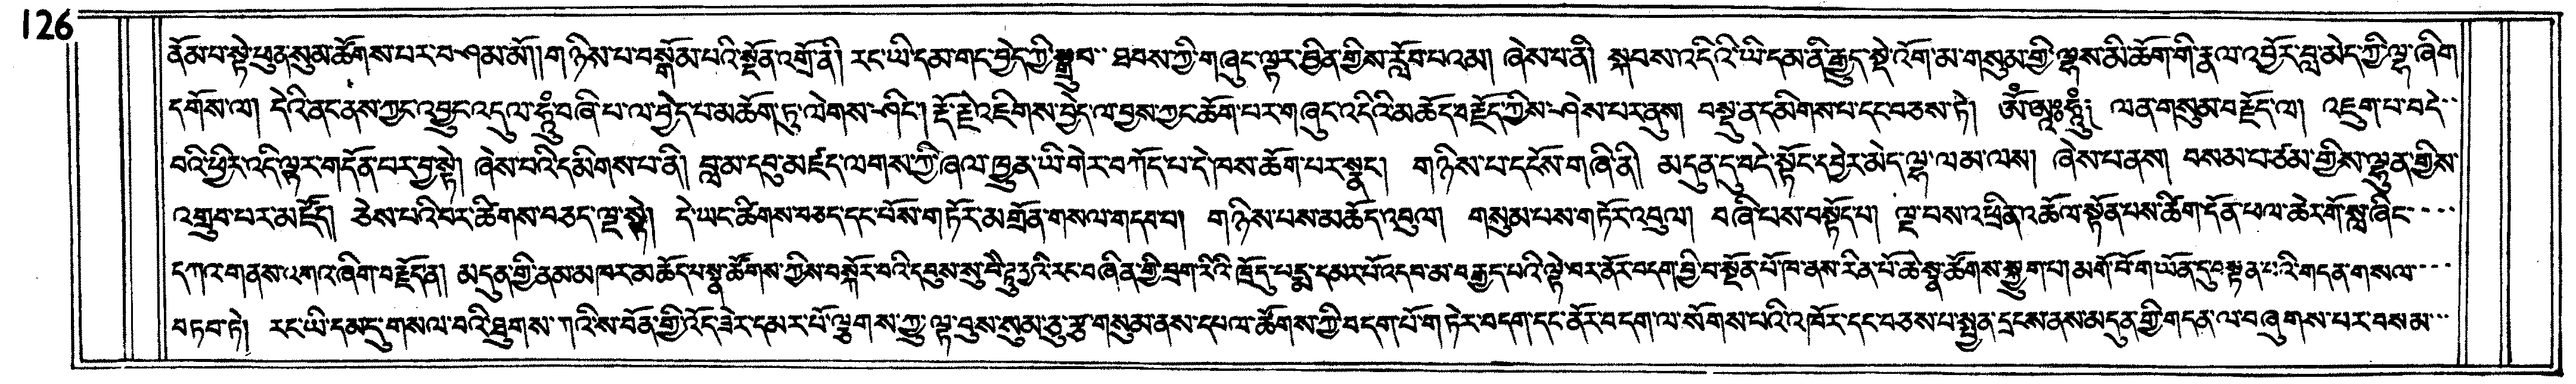ནོམ་པ་སྟེ་ཕུན་སུམ་ཚོགས་པར་བཤམ་མོ། །གཉིས་པ་བསྒོམ་པའི་སྔོན་འགྲོ་ནི། རང་ཡི་དམ་གང་བྱེད་ཀྱི་སྒྲུབ་ཐབས་ཀྱི་གཞུང་ལྟར་བྱིན་གྱིས་རློབ་པའམ། ཞེས་པ་ནི། སྐབས་འདིའི་ཡི་དམ་ནི་རྒྱུད་སྡེ་འོག་མ་གསུམ་གྱི་ལྷས་མི་ཆོག་གི་རྣལ་འབྱོར་བླ་མེད་ཀྱི་ལྷ་ཞིག་
དགོས་ལ། དེའི་ནང་ནས་ཀྱང་འབྱུང་འདུལ་ཧཱུཾ་བཞི་པ་ལ་བྱེད་པ་མཆོག་ཏུ་ལེགས་ཤིང་། རྡོ་རྗེ་འཇིགས་བྱེད་ལ་བྱས་ཀྱང་ཆོག་པར་གཞུང་འདིའི་མཆོད་བརྗོད་ཀྱི་ཤེས་པར་ནུས། བསྡུ་ན་དམིགས་པ་དང་བཅས་ཏེ། ཨོཾ་ཨཱཿ ཧཱུཾ༑ ལན་གསུམ་བརྗོད་ལ། འཇུག་པ་བདེ་
བའི་ཕྱིར་འདི་ལྟར་གདོན་པར་བྱ་སྟེ། ཞེས་པའི་དམིགས་པ་ནི། བླ་མ་དབུ་མཛད་ལགས་ཀྱི་ཞལ་ཁྱུན་ཡི་གེར་བཀོད་པ་དེ་ཁས་ཆོག་པར་སྣང་། གཉིས་པ་དངོས་གཞི་ནི། མདུན་དུ་བདེ་སྟོང་དབྱེར་མེད་ལྷ་ལམ་ལས། ཞེས་པ་ནས། བསམ་པ་ཙམ་གྱིས་ལྷུན་གྱིས་
འགྲུབ་པར་མཛོད། ཅེས་པའི་བར་ཚིགས་བཅད་ལྔ་སྟེ། དེ་ཡང་ཚིགས་བཅད་དང་པོས་གཏོར་མགྲོན་གསལ་གདབ་པ། གཉིས་པས་མཆོད་འབུལ། གསུམ་པས་གཏོར་འབུལ། བཞི་པས་བསྟོད་པ། ལྔ་པས་འཕྲིན་འཆོལ་སྟོན་པས་ཚིག་དོན་ཕལ་ཆེར་གོ་སླ་ཞིང་
དཀའ་གནས་འགའ་ཞིག་བརྗོད་ན། མདུན་གྱི་ནམ་མཁར་མཆོད་པ་སྣ་ཚོགས་ཀྱིས་བསྐོར་བའི་དབུས་སུ་བཻ་ཌཱུརྱའི་རང་བཞིན་གྱི་བྲག་རིའི་ཁྲོདུ་པདམ་དམར་པོ་འདབ་མ་བརྒྱད་པའི་ལྟེ་བར་ནོར་བདག་བྱི་བ་སྔོན་པོ་ཁ་ནས་རིན་པོ་ཆེ་སྣ་ཚོགས་སྐྱུག་པ། མགོ་པོ་གཡོན་དུ་བསྟན་པའི་གདན་གསལ་
བཏབ་ཏེ། རང་ཡི་དམ་དུ་གསལ་བའི་ཐུགས་ཀའི་ས་བོན་གྱི་འོད་ཟེར་དམར་པོ་ལྕགས་ཀྱུ་ལྟ་བུས་སུམ་ཅུ་རྩ་གསུམ་ནས་དཔལ་ཚོགས་ཀྱི་བདག་པོ་གཏེར་བདག་དང་ནོར་བདག་ལ་སོགས་པའི་འཁོར་དང་བཅས་པ་སྤྱན་དྲངས་ནས་མདུན་གྱི་གདན་ལ་བཞུགས་པར་བསམ་